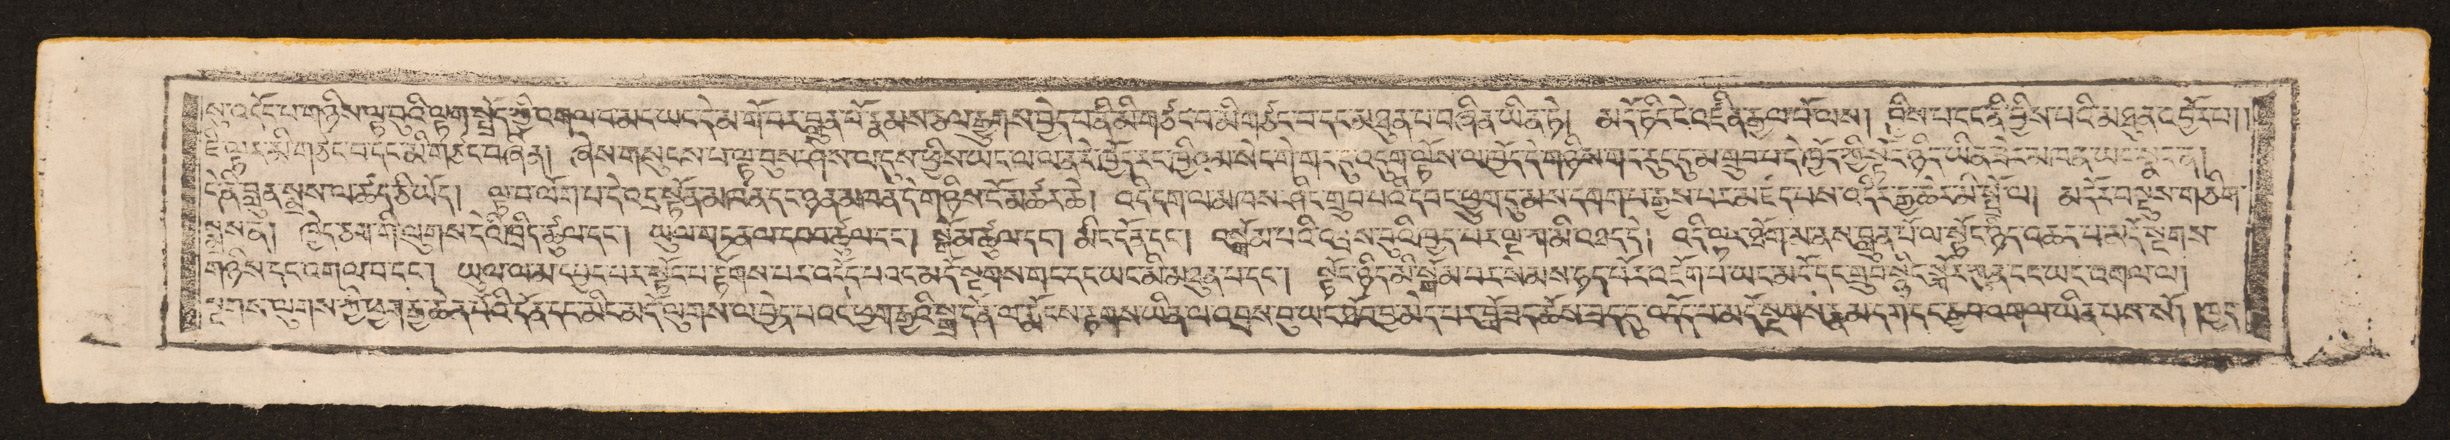སུ་འདོང་པ་གཉིས་ལྟ་བུའི་ལྟག་སྤྲོད་ཀྱི་འགལ་བ་མང་ཡང་དེ་མ་གོ་བར་བླུན་པོ་རྣམས་ཅལ་རྒྱུགས་བྱེད་པ་ནི་མི་གཙང་བ་མི་གཙང་བ་དང་མཐུན་པ་བཞིན་ཡིན་ཏེ། མདོ་ཏིང་ངེ་འཛིན་རྒྱལ་པོ་ལས། བྱིས་པ་དང་ནི་བྱིས་པའི་མཐུན་འབྱོར་བ།།
ཇི་ལྟར་མི་གཙང་བ་དང་མི་གཙང་བཞིན། ཞེས་གསུངས་པ་ལྟ་བུས་ཤེས་ལ་དུས་ཕྱིས་ཡང་ལ་ལན་རེ་ཁྱོད་རང་ཁྱིའམ་སེང་གེ་གང་དུ་འདུག་ལྟོས་ལ་ཁྱོད་དེ་གཉིས་གང་རུང་དུ་མ་གྲུབ་པ་དེ་ཁྱོད་ཀྱི་སྟོང་ཉིད་ཡིན་ཟེར་མཁན་ཡང་སྣང་ན།
དེ་ནི་བླུན་སྨྲས་ལ་ཚད་ཅི་ཡོད། ལྟ་བ་ལོག་པ་དེ་འདྲ་སྟོན་མཁན་དང་ཉན་མཁན་དེ་གཉིས་ངོ་མཚར་ཆེ། འདི་དག་ལ་མཁས་ཤིང་གྲུབ་པའི་དབང་ཕྱུག་དུ་མས་དགག་པ་རྒྱས་པར་མཛད་པས་འདིར་རྒྱ་ཆེར་མི་སྤྲོ་ལ། མདོར་བསྡུས་གཅིག་
སྨྲས་ན། ཁྱེད་ཅག་གི་ལུགས་དེའི་ཁྲིད་ཚུལ་དང་། ཡུལ་གཏན་ལ་དབབ་ཚུལ་དང་། སྒོམ་ཚུལ་དང་། མིང་དོན་དང་། བསྒོམ་པའི་འདྲས་བུའི་ཁྱད་པར་ལྡེ་ཀ་མི་འཐད་དེ། འདི་ལྟར་ཐོག་མ་ནས་བླུན་པོ་ལ་སྟོང་ཉིད་འཆད་པ་མདོ་སྔགས་
གཉིས་དང་འགལ་བ་དང་། ཡུལ་ལ་མ་དབྱད་པར་སྟོང་བ་རྟོགས་པར་འདོད་པའང་མདོ་སྔགས་གང་དང་ཡང་མི་མཐུན་པ་དང་། སྟོང་ཉིད་མི་སྒོམ་པར་སེམས་ཧད་པོར་འཛག་པ་ཡང་མདོ་དང་གྲུབ་སྙིང་སྐོར་ཀུན་དང་ཡང་འགལ་ལ།
སྔགས་ལུགས་ཀྱི་ཕྱག་རྒྱ་ཆེན་པོའི་དོན་དང་མིང་མདོ་ལུགས་ལ་བྱེད་པའང་ཕྱག་རྒྱའི་སྒྲ་དོན་ལ་རྨོངས་རྟགས་ཡིན་ལ་འབྲས་བུ་ཡང་ཐོབ་བྱ་མེད་པར་བློ་ཟད་ཆོས་ཟད་དུ་འདོད་པ་མདོ་སྔགས་རྣམ་དག་དང་རྒྱབ་འགལ་ཡིན་པས་སོ། །ཁྱད་